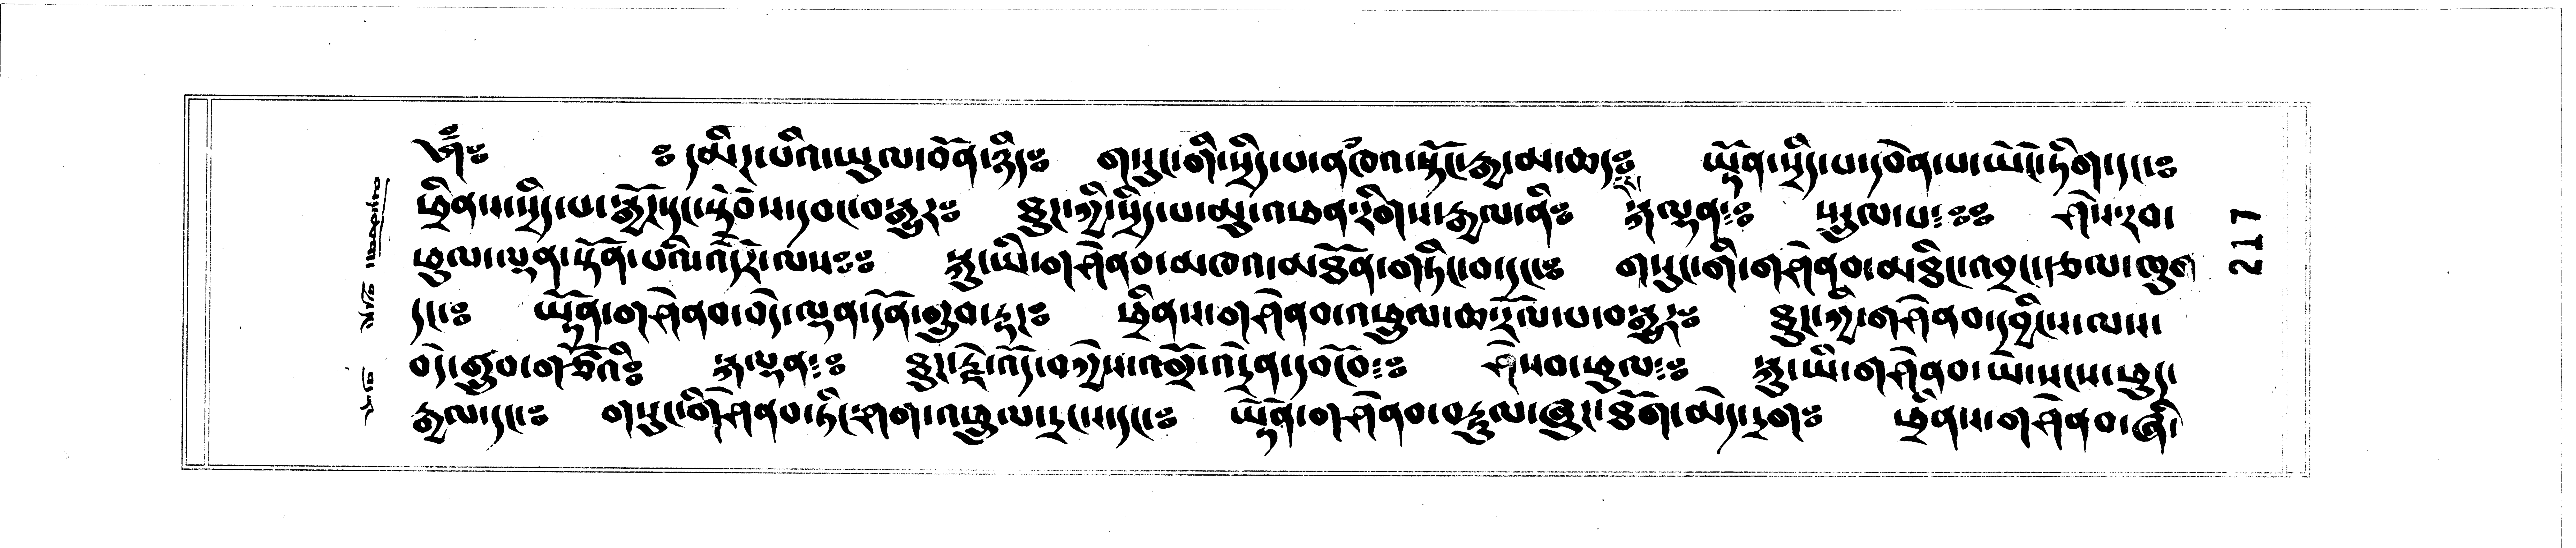དམིགས་ཡུལ་བོན་ཉིདཿ གསུང་གི་སྲིད་པ་ནམ་མཁའ་སྟོང་རྒྱ་མ་ཆད་དངཿ ཡོན་ཏན་སྲིད་པ་དབེན་པ་ཡོངས་ཏིག་དངཿ 
ཕྲིན་ལས་སྲིད་པ་སྒྱེགས་ལྡན་སྟོབས་དབང་ལ་ཕྱག་འཚལ་ལོཿ ཐུགས་ཀྱི་སྲིད་པ་མུ་འཕེན་རིགས་རྒྱལ་ནིཿ སྐལ་ལྡན་སློབ་མ་རྣམས་ལ་དབང་བསྐུར་བསཿ ཐུགས་རྗེ་གཟི་བརྗིད་འགྲོ་འདྲེན་དབང་ཐོབ་ཤོགཿ ཤེས་རབ་
ཕུལ་ལྡན་སྟོན་པའི་འོད་ཟེར་ལསཿ སྐུ་ཡི་གཤེན་རབ་མཁའ་མཐོན་གཏིང་བ་དངཿ གསུང་གི་གཤེན་རབ་མཐིང་འབྲང་རྩལ་ཁུག་
དངཿ ཡོན་ཏན་གཤེན་རབ་བདེ་ལྡན་དོན་གྲུབ་རྟགསཿ ཕྲིན་ལས་གཤེན་རབ་འཕྲུལ་ཆ་རོལ་བསྒྱུར་དངཿ ཐུགས་ཀྱི་གཤེན་རབ་དབྱིངས་ལ་
བདེ་གྲུབ་གཙོཿ སྐལ་ལྡན་སློབ་མ་རྣམས་ལ་དབང་བསྐུར་བསཿ ཐུགས་རྗེ་འོད་བཀྱེས་འགྲོ་འདྲེན་དབང་ཐོབ་ཤོགཿ ཤེས་རབ་ཕུལ་ལྡན་སྟོན་པའི་འོད་ཟེར་ལསཿ སྐུ་ཡི་གཤེན་རབ་ཡེ་སངས་ཕུད་
རྒྱལ་དངཿ གསུང་གི་གཤེན་རབ་རིང་ཤག་འཕྲུལ་དྲང་དངཿ ཡོན་ཏན་གཤེན་རབ་བརྡུལ་ཞུགས་ཐོགས་མེད་དྲགཿ ཕྲིན་ལས་ཀྱི་གཤེན་རབ་ཞི་